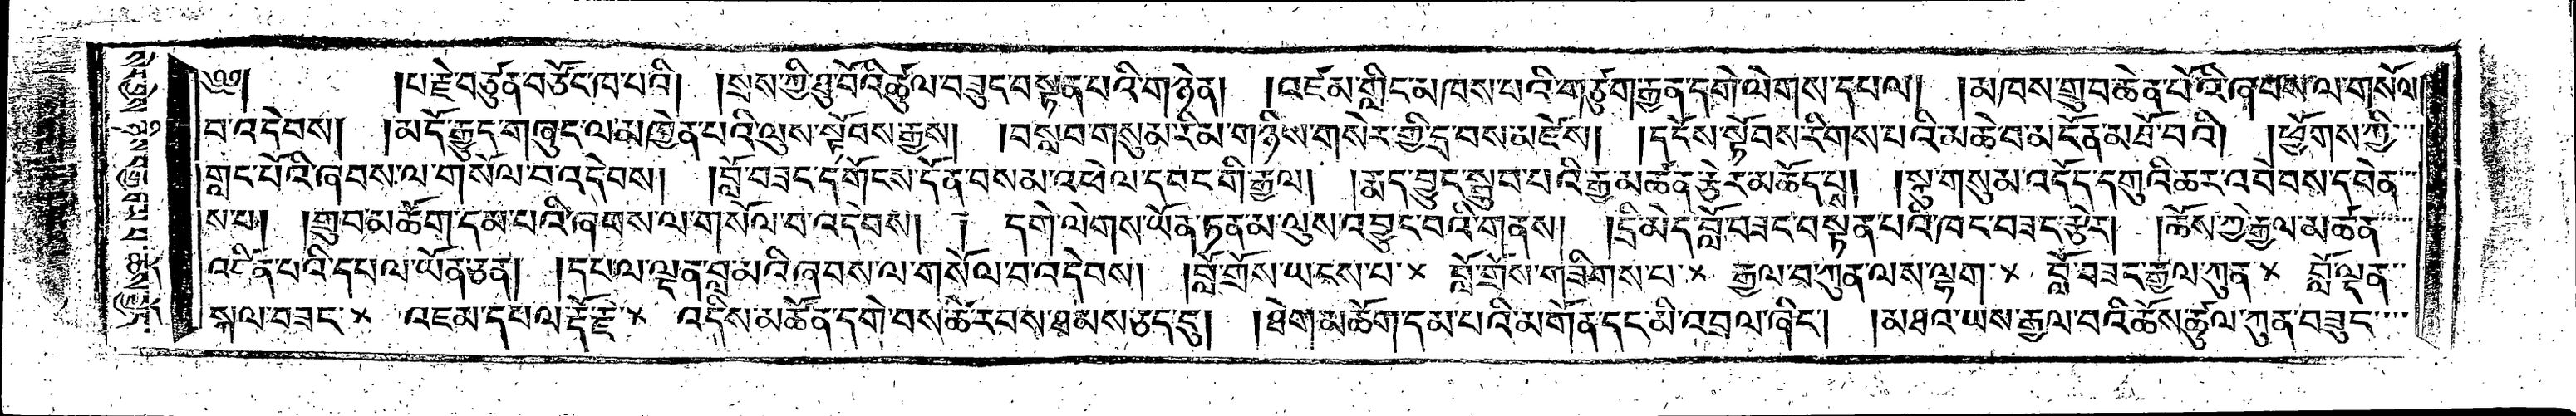༄༅། །པ་རྗེ་བཙུན་བཙོང་ཁ་པའི། །སྲས་ཀྱི་ཐུ་བོའི་ཚུལ་བཟུང་བསྟན་པའི་གཉེན། །འཛམ་གླིང་མཁས་པའི་གཙུག་རྒྱན་དགེ་ལེགས་དཔལ། །མཁས་གྲུབ་ཆེན་པོའི་ཞབས་ལ་གསོལ་
བ་འདེབས། །མདོ་རྒྱུད་གཞུང་ལ་མཁྱེན་པའི་ལུས་སྟོབས་རྒྱས། །བསླབ་གསུམ་རིམ་གཉིས་གསེར་གྱི་དྲ་བས་མཛེས། །དངོས་སྟོབས་རིགས་པའི་མཆེ་བ་མངོན་མཐོ་བའི། །ཕྱོགས་ཀྱི་
གླང་པོའི་ཞབས་ལ་གསོལ་བ་འདེབས། །བློ་བཟང་དགོངས་དོན་བསམ་འཕེལ་དབང་གི་རྒྱལ། །རྨད་བྱུང་སྒྲུབ་པའི་རྒྱ་མཚན་རྩེར་མཆོད་པས། །སྐུ་གསུམ་འདོད་དགུའི་ཆར་འབེབས་དབེན་
ས་པ། །གྲུབ་མཆོག་དམ་པའི་ཞབས་ལ་གསོལ་བ་འདེབས། །དགེ་ལེགས་ཡོན་ཏན་མ་ལུས་འབྱུང་བའི་གནས། །དྲི་མེད་བློ་བཟང་བསྟན་པའི་ཁང་བཟང་རྩེར། །ཆོས་ཀྱི་རྒྱལ་མཚན་
འཛིན་པའི་དཔལ་ཡོན་ཅན། །དཔལ་ལྡན་བླ་མའི་ཞབས་ལ་གསོལ་བ་འདེབས། །བློ་གྲོས་ཡངས་པ་{྾}་བློ་གྲོས་གཟིགས་པ་{྾}་རྒྱལ་བ་ཀུན་ལས་ལྷག་{྾}་བློ་བཟང་རྒྱལ་ཀུན་{྾}་བློ་ལྡན་
སྐལ་བཟང་{྾}་འཇམ་དཔལ་རྡོ་རྗེ་{྾}་འདིས་མཚོན་དགེ་བས་ཚེ་རབས་ཐམས་ཅད་དུ། །ཐེག་མཆོག་དམ་པའི་མགོན་དང་མི་འབྲལ་ཞིང་། །མཐའ་ཡས་རྒྱལ་བའི་ཆོས་ཚུལ་ཀུན་བཟུང་